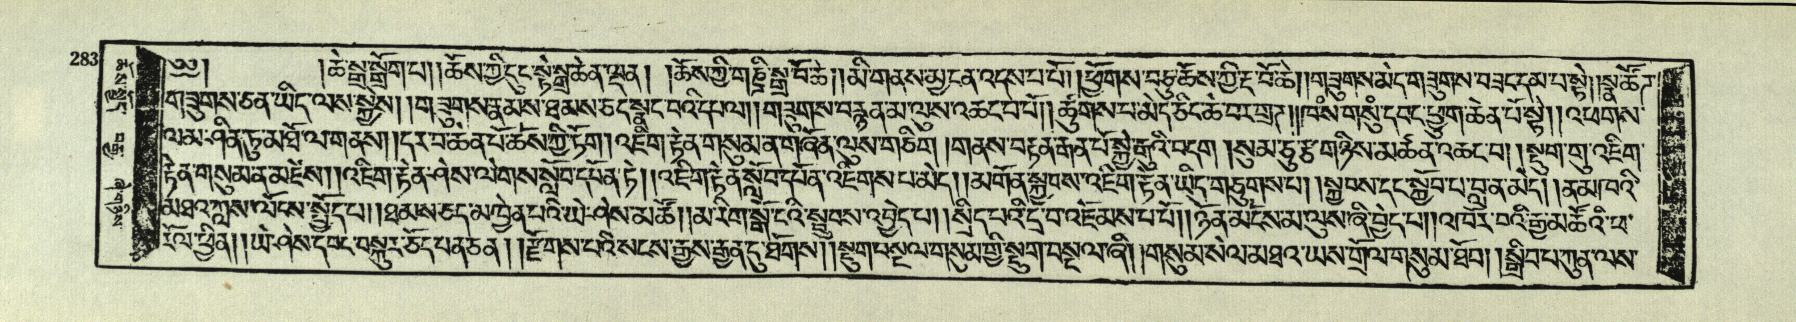༄༅། །ཆེ་སྒྲ་སྒྲོག་པ། །ཆོས་ཀྱི་དུང་སྟེ་སྒྲ་ཆེན་ལྡན། །ཆོས་ཀྱི་གཎྜི་སྒྲ་བོ་ཆེ། །མི་གནས་མྱ་ངན་འདས་པ་པོ། །ཕྱོགས་བཅུ་ཆོས་ཀྱི་རྔ་བོ་ཆེ། །གཟུགས་མེད་གཟུགས་བཟང་དམ་པ་སྟེ། །སྣ་ཚོཌ་
གཟུགས་ཅན་ཡིད་ལས་སྐྱེས། །གཟུགས་རྣམས་ཐམས་ཅད་སྣང་བའི་དཔལ། །གཟུགས་བརྙན་མ་ལུས་འཆང་བ་པོ། །ཚུགས་པ་མེད་ཅིང་ཆེ་བར་གྲཌ། །ཁཾས་གསུཾ་དབང་ཕྱུག་ཆེན་པོ་སྟེ། །འཕགས་
ལམ་ཤིན་ཏུ་མཐོ་ལ་གནས། །དར་བ་ཆེན་པོ་ཆོས་ཀྱི་ཏོག། འཇིག་རྟེན་གསུམ་ན་གཞོན་ལུས་གཅིག །གནས་བརྟན་རྒན་པོ་སྐྱེ་རྒུའི་བདག །སུམ་ཅུ་རྩ་གཉིས་མཚན་འཆང་བ། །སྡུག་གུ་འཇིག་
རྟེན་གསུམ་ན་མཛེས། །འཇིག་རྟེན་ཤེས་ལེགས་སློབ་དཔོན་ཏེ། །འཇིག་རྟེན་སློབ་དཔོན་འཇིགས་པ་མེད། །མགོན་སྐྱབས་འཇིག་རྟེན་ཡིད་གཅུགས་པ། །སྐྱབས་དང་སྐྱོབ་པ་བླ་ན་མེད། །ནམཁའི་
མཐའ་ཀླས་ལོངས་སྤྱོད་པ། །ཐམས་ཅད་མཁྱེན་པའི་ཡེ་ཤེས་མཚོ། །མ་རིག་སྒོ་ངའི་སྦུབས་འབྱེད་པ། །སྲིད་པའི་དྲ་བ་འཇོམས་པ་པོ། །ཉོན་མོངས་མ་ལུས་ཞི་བྱེད་པ། །འཁོར་བའི་རྒྱ་མཚོའི་ཕ་
རོལ་ཕྱིན། །ཡེ་ཤེས་དབང་བསྐུར་ཅོད་པན་ཅན། །རྫོགས་པའི་སངས་རྒྱས་རྒྱན་དུ་ཐོགས། །སྡུག་བསྔལ་གསུམ་གྱི་སྡུག་བསྔལ་ཞི། །གསུམ་སེལ་མཐའ་ཡས་གྲོལ་གསུམ་ཐོབ། །སྒྲིབ་པ་ཀུན་ལས་